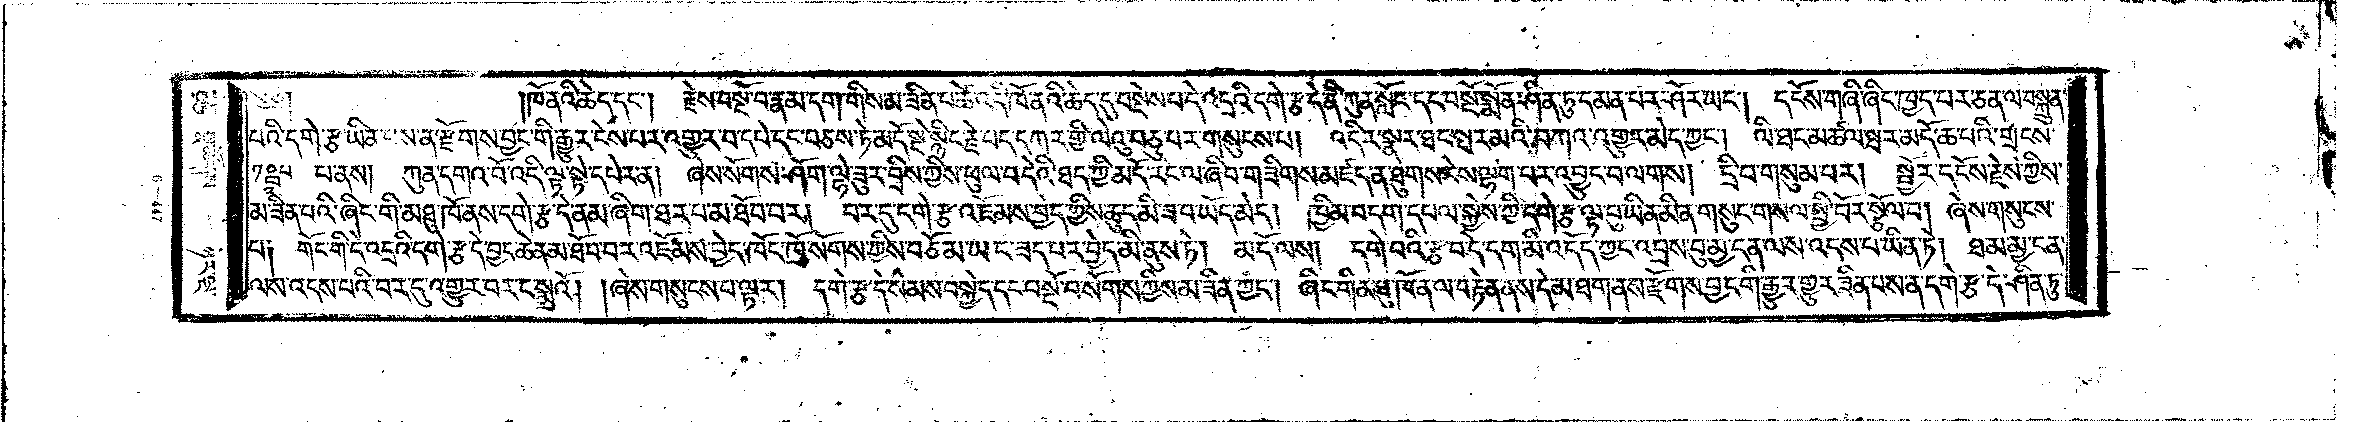༄༅། །ཁོ་ནའི་ཆེད་དང་། རྗེས་བསྔོ་བ་རྣམ་དག་གིས་མ་ཟིན་པ་ཚེ་འདི་ཁོ་ནའི་ཆེད་དུ་བསྡེས་པ་དེ་འདྲའི་དགེ་རྩ་དེ་ནི་ཀུན་སློང་དང་བསྔོ་སྨོན་ཤིན་ཏུ་དམན་པར་ཤོར་ཡང་། དངོས་གཞི་ཞིང་ཁྱད་པར་ཅན་ལ་བསྐྲུན་
པའི་དགེ་རྩ་ཡིན་པས་ན་རྫོགས་བྱང་གི་རྒྱུར་ངེས་པར་འགྱུར་བ་དཔེ་དང་བཅས་ཏེ་མདོ་སྡེ་སྙིང་རྗེ་པད་དཀར་གྱི་ལེའུ་བཅུ་པར་གསུངས་པ། འདིར་སྣར་ཐང་སྤར་མའི་བཀའ་འགྱུར་མེད་ཀྱང་། ལི་ཐང་མཚལ་སྤར་མདོ་ཆ་པའི་རངས་
༡༠༥བ༢་པ་ནས། ཀུན་དགའ་བོ་འདི་ལྟ་སྟེ་དཔེར་ན། ཞེས་སོགས་ཤོག་ལྷེ་ཟུར་བྲིས་ཀྱིས་ཕུལ་བ་དེའི་ཐད་ཀྱི་མདོ་རང་ལ་ཞིབ་གཟིགས་མཛད་ན་ཐུགས་ངེས་ལྷག་པར་འབྱུང་བ་ལགས། དྲི་བ་གསུམ་པར། སྦྱོར་དངོས་རྗེས་ཀྱིས་
མ་ཟིན་པའི་ཞིང་གི་མཐུ་ཁོ་ནས་དགེ་རྩ་དེ་ནམ་ཞིག་ཐར་པ་མ་ཐོབ་པར། བར་དུ་དགེ་རྩ་འཇོམས་བྱེད་གྱིས་ཆུད་མི་ཟབ་ཡོད་མེད། ཁྱིམ་བདག་དཔལ་སྐྱེས་ཀྱི་དགེ་རྩ་ལྟ་བུ་ཡིན་མིན་གསུང་གསལ་སྤྱི་བོར་སྩོལ་བ། ཞེས་གསུངས་
པ༑ གོང་གི་དེ་འདྲའི་དགེ་རྩ་དེ་བྱང་ཆེན་མ་ཐོབ་བར་འཇོམས་བྱེད་ཁོང་ཁྲོ་སོགས་ཀྱིས་བཅོམ་ཡང་ཟད་པར་བྱེད་མི་ནུས་ཏེ། མདོ་ལས། དགེ་བའི་རྩ་བ་དེ་དག་མི་འདོད་ཀྱང་འབྲས་བུ་མྱ་ངན་ལས་འདས་པ་ཡིན་ཏེ། ཐམ་མྱ་ངན་
ལས་འདས་པའི་བར་དུ་འགྱུར་བར་ང་སྨྲའོ། །ཞེས་གསུངས་བ་ལྟར། དགེ་རྩ་དེ་སེམས་བསྐྱེད་དང་བསྔོ་བ་སོགས་ཀྱིས་མ་ཟིན་ཀྱང་། ཞིང་གི་མཐུ་ཁོ་ན་ལ་བརྟེན་ནས་དེ་མ་ཐག་ནས་རྫོགས་བྱང་གི་རྒྱུར་གྱུར་ཟིན་པས་ན་དགེ་རྩ་དེ་ཤིན་ཏུ་